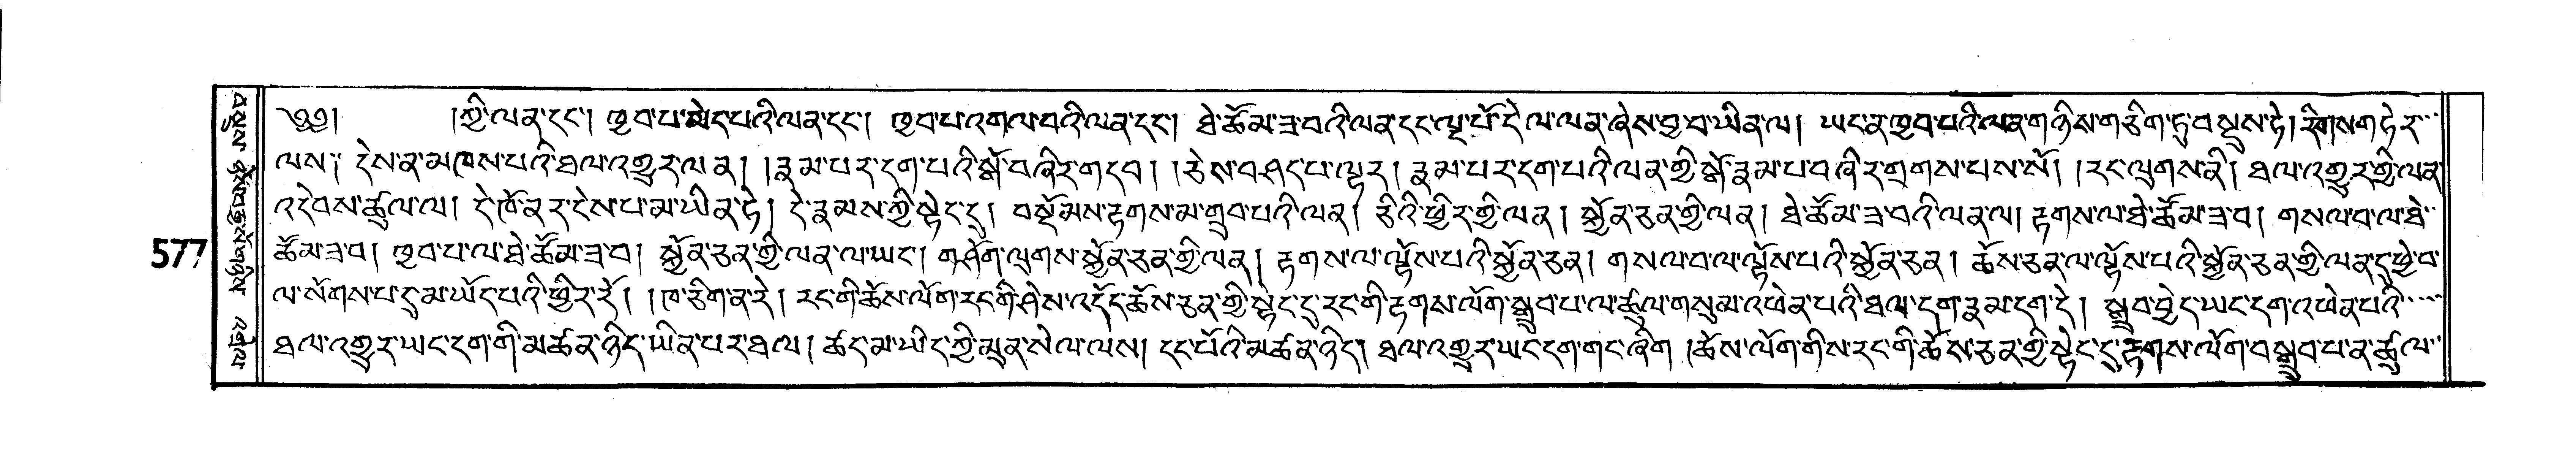༄༅། །ཀྱི་ལན་དང་། ཁྱབ་པ་མེད་པའི་ལན་དང་། ཁྱབ་པ་འགལ་བའི་ལན་དང་། ཐེ་ཚོམ་ཟ་བའི་ལན་དང་ལྔ་པོ་དེ་ལ་ལན་ཞེས་བྱ་བ་ཡིན་ལ། ཡང་ན་ཁྱབ་པའི་ལན་གཉིས་གཅིག་ཏུ་བསྡུས་ཏེ། རིགས་གཏེར་
ལས༑ དེས་ན་མཁས་པའི་ཐལ་འགྱུར་ལན། །རྣམ་པར་དག་པའི་སྒོ་བཞིར་གདབ། །ཅེས་བཤད་པ་ལྟར། རྣམ་པར་དག་པའི་ལན་གྱི་སྒོ་རྣམ་པ་བཞིར་གྲགས་པས་སོ། །རང་ལུགས་ནི། ཐལ་འགྱུར་གྱི་ལན་
འདེབས་ཚུལ་ལ། དེ་ཁོ་ནར་ངེས་པ་མ་ཡིན་ཏེ། དེ་རྣམས་ཀྱི་སྟེང་དུ། བསྡོམས་རྟགས་མ་གྲུབ་པའི་ལན། ཅིའི་ཕྱིར་གྱི་ལན། སྐྱོན་ཅན་གྱི་ལན། ཐེ་ཚོམ་ཟ་བའི་ལན་ལ། རྟགས་ལ་ཐེ་ཚོམ་ཟ་བ། གསལ་བ་ལ་ཐེ་
ཚོམ་ཟ་བ། ཁྱབ་པ་ལ་ཐེ་ཚོམ་ཟ་བ། སྐྱོན་ཅན་གྱི་ལན་ལ་ཡང་། གཤོག་ལུགས་སྐྱོན་ཅན་གྱི་ལན། རྟགས་ལ་ལྟོས་པའི་སྐྱོན་ཅན། གསལ་བ་ལ་ལྟོས་པའི་སྐྱོན་ཅན། ཆོས་ཅན་ལ་ལྟོས་པའི་སྐྱོན་ཅན་གྱི་ལན་དུ་ཕྱེ་བ་
ལ་སོགས་པ་དུ་མ་ཡོད་པའི་ཕྱིར་རོ། །ཁ་ཅིག་ན་རེ། རང་གི་ཆོས་ལོག་རང་གི་ཤེས་འདོད་ཆོས་ཅན་གྱི་སྟེང་དུ་རང་གི་རྟགས་ལོག་སྒྲུབ་པ་ལ་ཚུལ་གསུམ་འཕེན་པའི་ཐལ་དག་རྣམ་དག་དེ། སྒྲུབ་བྱེད་ཡང་དག་འཕེན་པའི་
ཐལ་འགྱུར་ཡང་དག་གི་མཚན་ཉིད་ཡིན་པར་ཐལ། ཚད་མ་ཡིད་ཀྱི་མུན་སེལ་ལས། དང་པོའི་མཚན་ཉིད། ཐལ་འགྱུར་ཡང་དག་གང་ཞིག །ཆོས་ལོག་གིས་རང་གི་ཆོས་ཅན་གྱི་སྟེང་དུ་རྟགས་ལོག་བསྒྲུབ་པ་ན་ཚུལ་